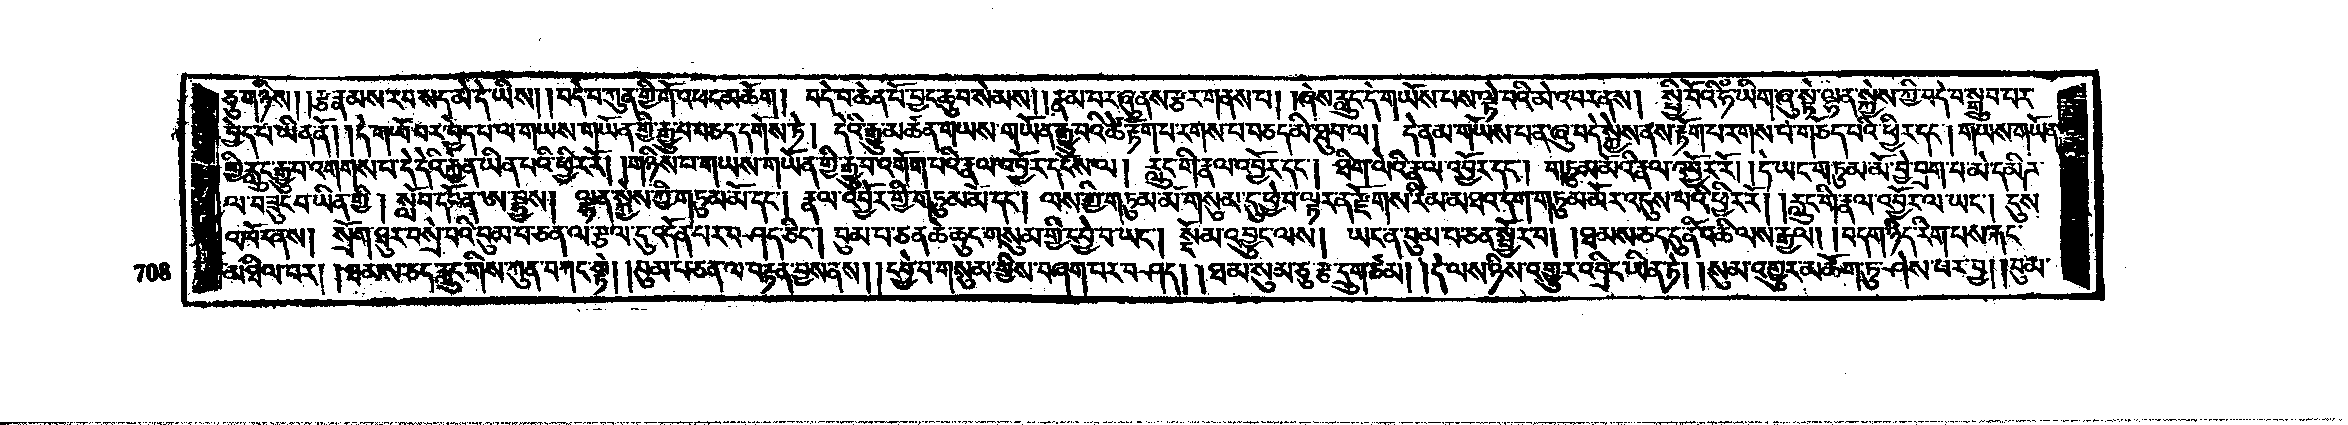ཅུ་གཉིས། །རྩ་རྣམས་རབ་སད་མེ་དེ་ཡིས། །བདེ་བ་ཀུན་གྱི་གོ་འཕང་མཆོག །བདེ་བ་ཆེན་པོ་བྱང་ཆུབ་སེམས། །རྣམ་པར་ཞུ་ནས་རྩར་གནས་པ། །ཞེས་རླུང་དེ་གཡོས་པས་ལྟེ་བའི་མེ་འབར་ནས། སྤྱི་བོའི་ཧཾ་ཡིག་ཞུ་སྟེ་ལྷན་སྐྱེས་ཀྱི་བདེ་བ་སྒྲུབ་པར་
བྱེད་པ་ཡིན་ནོ། །དེ་གཡོ་བར་བྱེད་པ་ལ་གཡས་གཡོན་གྱི་རྒྱུ་བ་བཅད་དགོས་ཏེ། དེའི་རྒྱུ་མཚན་གཡས་གཡོན་རྒྱུ་བའི་ཚེ་རྟོག་པ་རགས་པ་བཅད་མི་ཐུབ་ལ། དེ་ནམ་གཡོས་པ་ན་ཞུ་བདེ་སྐྱེས་ནས་རྟོག་པ་རགས་པ་གཅོད་པའི་ཕྱིར་དང་། གཡས་གཡོན་
གྱི་རླུང་རྒྱུ་བ་འགགས་པ་དེ་དེའི་རྐྱེན་ཡིན་པའི་ཕྱིར་རོ། །གཉིས་པ་གཡས་གཡོན་གྱི་རྒྱུ་བ་འགོག་པའི་རྣལ་འབྱོར་དངོས་ལ། རླུང་གི་རྣལ་འབྱོར་དང་། ཐིག་ལེའི་རྣལ་འབྱོར་དང་། གཏུམ་མོའི་རྣལ་འབྱོར་རོ། །དེ་ཡང་གཏུམ་མོ་བྱེ་བྲག་པ་མེད་དམིགས་
ལ་བཟུང་བ་ཡིན་གྱི། སློབ་དཔོན་ཨ་བྷྱས། ལྷན་སྐྱེས་ཀྱི་གཏུམ་མོ་དང་། རྣལ་འབྱོར་གྱི་གཏུམ་མོ་དང་། ལས་ཀྱི་གཏུམ་མོ་གསུམ་དུ་ཕྱེ་བ་ལྟར་ན་རྫོགས་རིམ་མཐའ་དག་གཏུམ་མོར་འདུས་པའི་ཕྱིར་རོ། །རླུང་གི་རྣལ་འབྱོར་ལ་ཡང་། དུས་
འཁོར་ནས། སྲོག་ཐུར་བསྲེ་བའི་བུམ་པ་ཅན་ལ་རྩལ་དུ་འདོན་པར་བཤད་ཅིང་། བུམ་པ་ཅན་ཆེ་ཆུང་གསུམ་གྱི་དབྱེ་བ་ཡང་། སྡོམ་འབྱུང་ལས། ཡང་ན་བུམ་པ་ཅན་སྦྱོར་བ། །ཐམས་ཅད་དུ་ནི་འཆི་ལས་རྒྱལ། །བདག་ཉིད་རིག་པས་རྐང་
མཐིལ་ཐར། །ཐམས་ཅད་རླུང་གིས་ཀུན་བཀང་སྟེ། །བུམ་པ་ཅན་ལ་བརྟན་བྱས་ནས། །དབྱེ་བ་གསུམ་གྱིས་བཞག་པར་བཤད། །ཐ་མ་སུམ་ཅུ་རྩ་དྲུག་ཙམ། །དེ་ལས་ཉིས་འགྱུར་འབྲིང་ཡིན་ཏེ། །སུམ་འགྱུར་མཆོག་ཏུ་ཤེས་པར་བྱ། །བུམ་